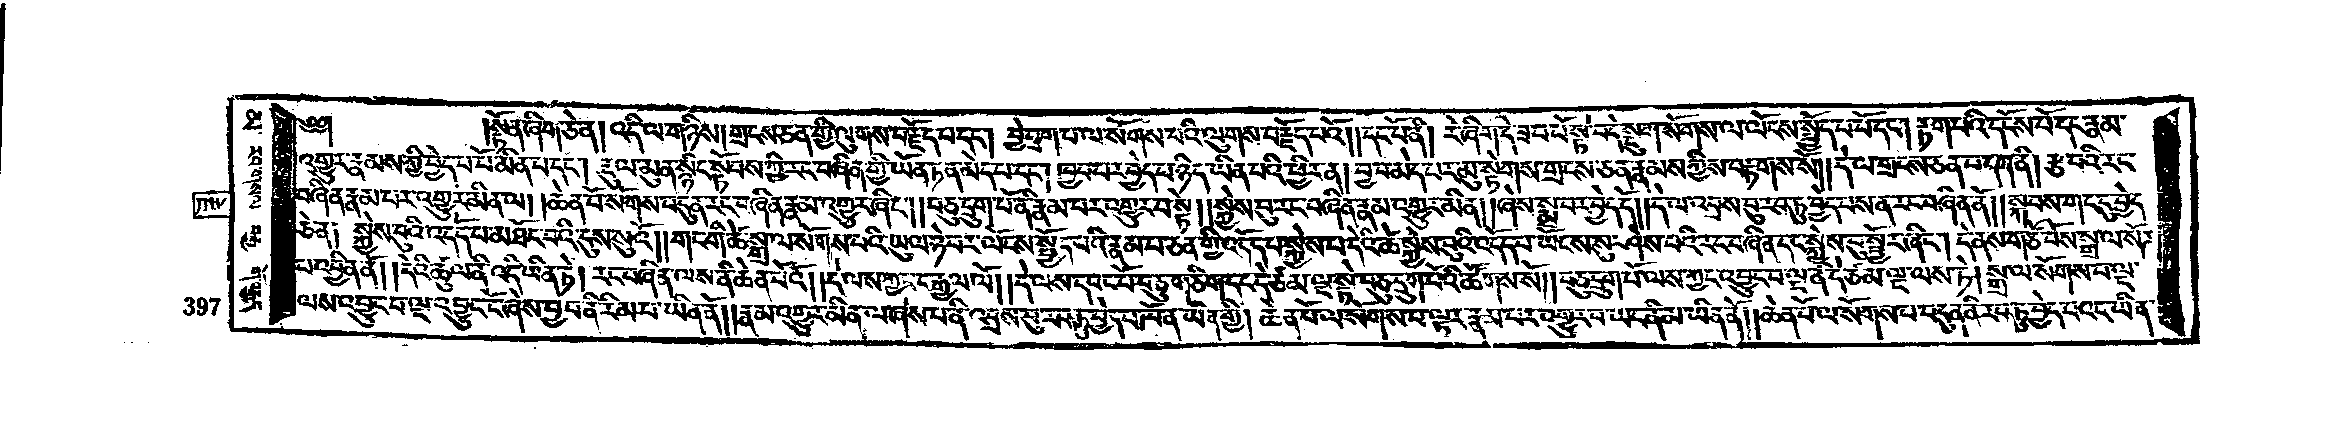༄༅། །སྟོན་ཞིག་ཅེ་ན། འདི་ལ་གཉིས། གྲངས་ཅན་གྱི་ལུགས་བརྗོད་པ་དང་། བྱེ་བྲག་པ་ལ་སོགས་པའི་ལུགས་བརྗོད་པའོ། །དང་པོ་ནི། རེ་ཞིག་དེ་ཟ་བ་པོ་སྟེ་བདེ་སྡུག་སོགས་ལ་ལོངས་སྤྱོད་པ་པོ་དང་། རྟག་པའི་དངོས་པོ་དང་རྣམ་
འགྱུར་རྣམས་ཀྱི་བྱེད་པ་པོ་མིན་པ་དང་། རྡུལ་མུན་སྙིང་སྟོབས་ཀྱི་རང་བཞིན་གྱི་ཡོན་ཏན་མེད་པ་དང་། ཁྱབ་པར་བྱེད་པ་ཉིད་ཡིན་པའི་ཕྱིར་ན། བྱ་བ་མེད་པར་མུ་སྟེགས་གྲངས་ཅན་རྣམས་ཀྱིས་བརྟགས་སོ། །དེ་ལ་གྲངས་ཅན་པ་དག་ནི། རྩ་བའི་རང་
བཞིན་རྣམ་པར་འགྱུར་མིན་ལ། །ཆེན་པོ་སོགས་བདུན་རང་བཞིན་རྣམ་འགྱུར་ཞིང་། །བཅུ་དྲུག་པོ་ནི་རྣམ་པར་འགྱུར་བ་སྟེ། །སྐྱེས་བུ་རང་བཞིན་རྣམ་འགྱུར་མིན། །ཞེས་སྨྲ་བར་བྱེད་དོ། །དེ་ལ་འབྲས་བུ་རབ་ཏུ་བྱེད་པས་ན་རང་བཞིན་ནོ། །སྐབས་གང་དུ་བྱེད་
ཅེ་ན། སྐྱེས་བུའི་འདོད་པ་མཐོང་བའི་དུས་སུའོ། །གང་གི་ཚེ་སྒྲ་ལ་སོགས་པའི་ཡུལ་ཉེ་བར་ལོངས་སྤྱོད་པའི་རྣམ་པ་ཅན་གྱི་འདོད་པ་སྐྱེས་པ་དེའི་ཚེ་སྐྱེས་བུའི་འདོད་པ་ཡོངས་སུ་ཤེས་པའི་རང་བཞིན་དང་སྐྱེས་བུ་སྦྱོར་ཞིང་། དེ་ནས་གཙོ་བོས་སྒྲ་ལ་སོགས་
པ་འབྱིན་ནོ། །དེའི་ཚུལ་ནི་འདི་ཡིན་ཏེ། རང་བཞིན་ལས་ནི་ཆེན་པོའོ། །དེ་ལས་ཀྱང་ང་རྒྱལ་ལོ། །དེ་ལས་དབང་པོ་བཅུ་གཅིག་དང་དེ་ཙམ་ལྔ་སྟེ་བཅུ་དྲུག་པོའི་ཚོགས་སོ། །བཅུ་དྲུག་པོ་ལས་ཀྱང་འབྱུང་བ་ལྔ་ནི་དེ་ཙམ་ལྔ་ལས་ཏེ། སྒྲ་ལ་སོགས་པ་ལྔ་
ལས་འབྱུང་བ་ལྔ་འབྱུང་ངོ་ཞེས་བྱ་བ་ནི་རིམ་པ་ཡིན་ནོ། །རྣམ་འགྱུར་མིན་ལ་ཞེས་པ་ནི་འབྲས་བུ་རབ་ཏུ་བྱེད་པ་ཁོ་ན་ཡིན་གྱི། ཆེན་པོ་ལ་སོགས་པ་ལྟར་རྣམ་པར་འགྱུར་བ་ཡང་ནི་མ་ཡིན་ནོ། །ཆེན་པོ་ལ་སོགས་པ་བདུན་ནི་རབ་ཏུ་བྱེད་པའང་ཡིན་